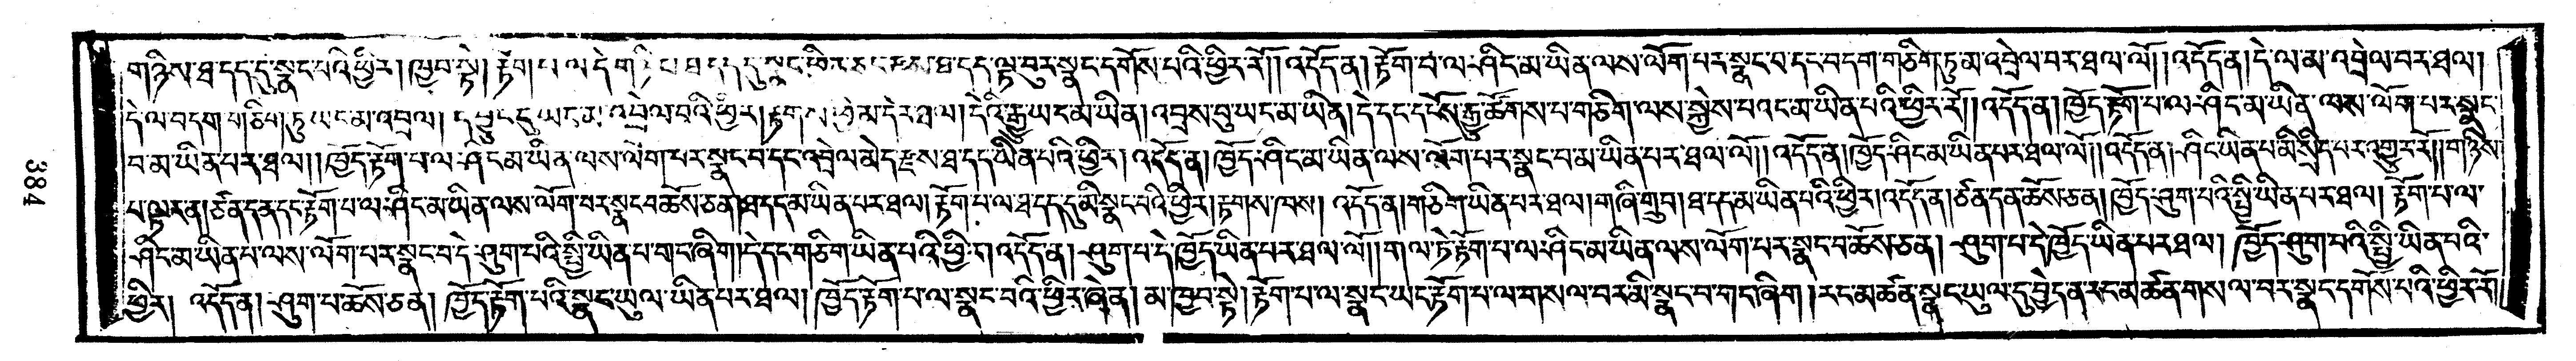གཉིས་ཐ་དད་དུ་སྣང་བའི་ཕྱིར། ཁྱབ་སྟེ། རྟོག་པ་ལ་དེ་གཉིས་ཐ་དད་དུ་སྣང་ཕྱིན་ཅད་རྫས་ཐ་དད་ལྟ་བུར་སྣང་དགོས་པའི་ཕྱིར་རོ། །འདོད་ན། རྟོག་པ་ལ་ཤིང་མ་ཡིན་ལས་ལོག་པར་སྣང་བ་དང་བདག་གཅིག་ཏུ་མ་འབྲེལ་བར་ཐལ་ལོ། །འདོད་ན། དེ་ལ་མ་འབྲེལ་བར་ཐལ།
དེ་ལ་བདག་གཅིག་ཏུ་ཡང་མ་འབྲེལ། དེ་བྱུང་དུ་ཡང་མ་འབྲེལ་བའི་ཕྱིར། རྟགས་ཕྱི་མ་དེར་ཐལ། དེའི་རྒྱུ་ཡང་མ་ཡིན། འབྲས་བུ་ཡང་མ་ཡིན། དེ་དང་དངོས་རྒྱུ་ཚོགས་པ་གཅིག་ལས་སྐྱེས་པའང་མ་ཡིན་པའི་ཕྱིར་རོ། །འདོད་ན། ཁྱོད་རྟོག་པ་ལ་ཤིང་མ་ཡིན་ལས་ལོག་པར་སྣང་
བ་མ་ཡིན་པར་ཐལ། །ཁྱོད་རྟོག་པ་ལ་ཤིང་མ་ཡིན་ལས་ལོག་པར་སྣང་བ་དང་འབྲེལ་མེད་རྫས་ཐ་དད་ཡིན་པའི་ཕྱིར། འདོད་ན། ཁྱོད་ཤིང་མ་ཡིན་ལས་ལོག་པར་སྣང་བ་མ་ཡིན་པར་ཐལ་ལོ། །འདོད་ན། ཁྱོད་ཤིང་མ་ཡིན་པར་ཐལ་ལོ། །འདོད་ན། ཤིང་ཡིན་པ་མི་སྲིད་པར་འགྱུར་རོ། །གཉིས་
པ་ལྟར་ན། ཙན་དན་དང་རྟོག་པ་ལ་ཤིང་མ་ཡིན་ལས་ལོག་པར་སྣང་བ་ཆོས་ཅན། ཐ་དད་མ་ཡིན་པར་ཐལ། རྟོག་པ་ལ་ཐ་དད་དུ་མི་སྣང་བའི་ཕྱིར། རྟགས་ཁས། འདོད་ན། གཅིག་ཡིན་པར་ཐལ། གཞི་གྲུབ། ཐ་དད་མ་ཡིན་པའི་ཕྱིར། འདོད་ན། ཙན་དན་ཆོས་ཅན། ཁྱོད་ཤུག་པའི་སྤྱི་ཡིན་པར་ཐལ། རྟོག་པ་ལ་
ཤིང་མ་ཡིན་པ་ལས་ལོག་པར་སྣང་བ་དེ་ཤུག་པའི་སྤྱི་ཡིན་པ་གང་ཞིག །དེ་དང་གཅིག་ཡིན་པའི་ཕྱིར། འདོད་ན། ཤུག་པ་དེ་ཁྱོད་ཡིན་པར་ཐལ་ལོ། །གལ་ཏེ་རྟོག་པ་ལ་ཤིང་མ་ཡིན་ལས་ལོག་པར་སྣང་བ་ཆོས་ཅན། ཤུག་པ་དེ་ཁྱོད་ཡིན་པར་ཐལ། ཁྱོད་ཤུག་པའི་སྤྱི་ཡིན་པའི་
ཕྱིར། འདོད་ན། ཤུག་པ་ཆོས་ཅན། ཁྱོད་རྟོག་པའི་སྣང་ཡུལ་ཡིན་པར་ཐལ། ཁྱོད་རྟོག་པ་ལ་སྣང་བའི་ཕྱིར་ཞེ་ན། མ་ཁྱབ་སྟེ། རྟོག་པ་ལ་སྣང་ཡང་རྟོག་པ་ལ་གསལ་བར་མི་སྣང་བ་གང་ཞིག །རང་མཚན་སྣང་ཡུལ་དུ་བྱེད་ན་རང་མཚན་གསལ་བར་སྣང་དགོས་པའི་ཕྱིར་རོ།